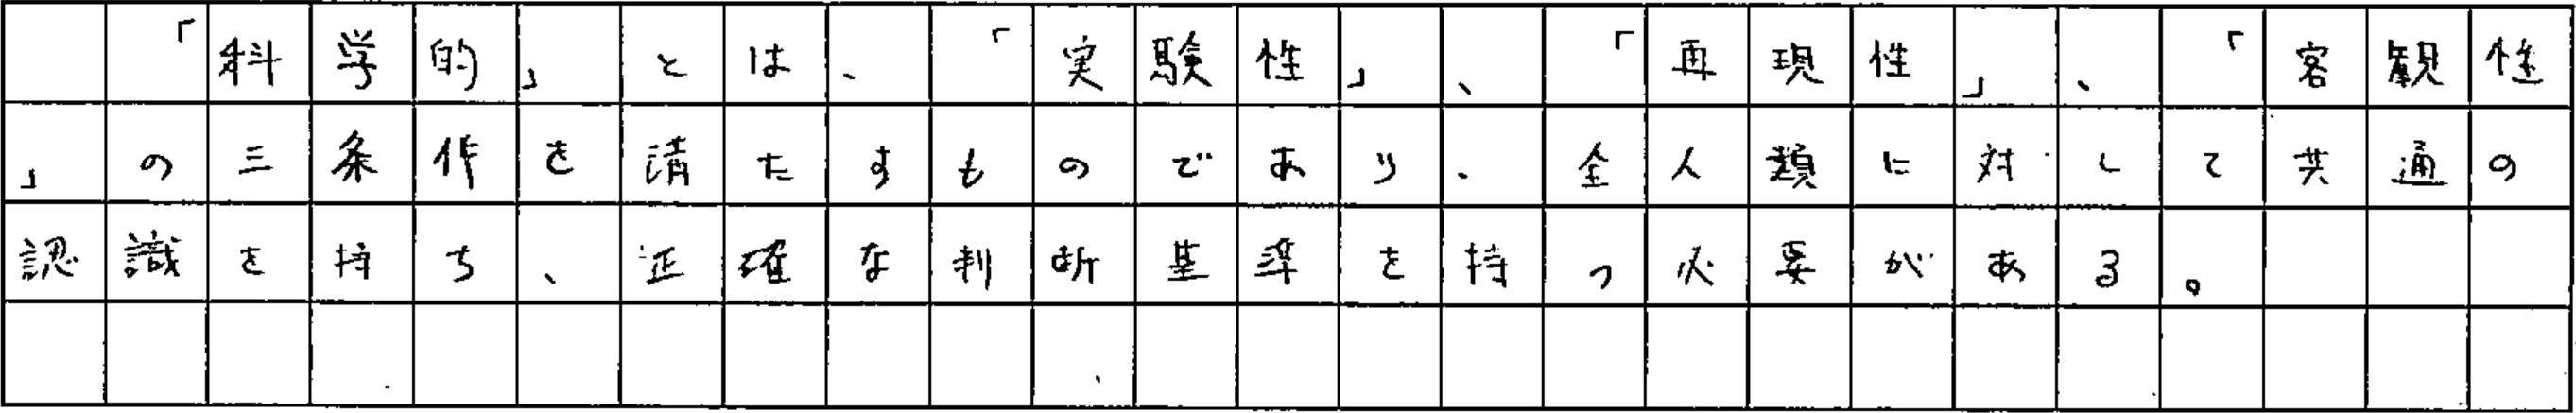　「科学的」とは、「実験性」、「再現性」、「客観性」の三条件を満たすものであり、全人類に対して共通の認識を持ち、正確な判断基準を持つ必要がある。
